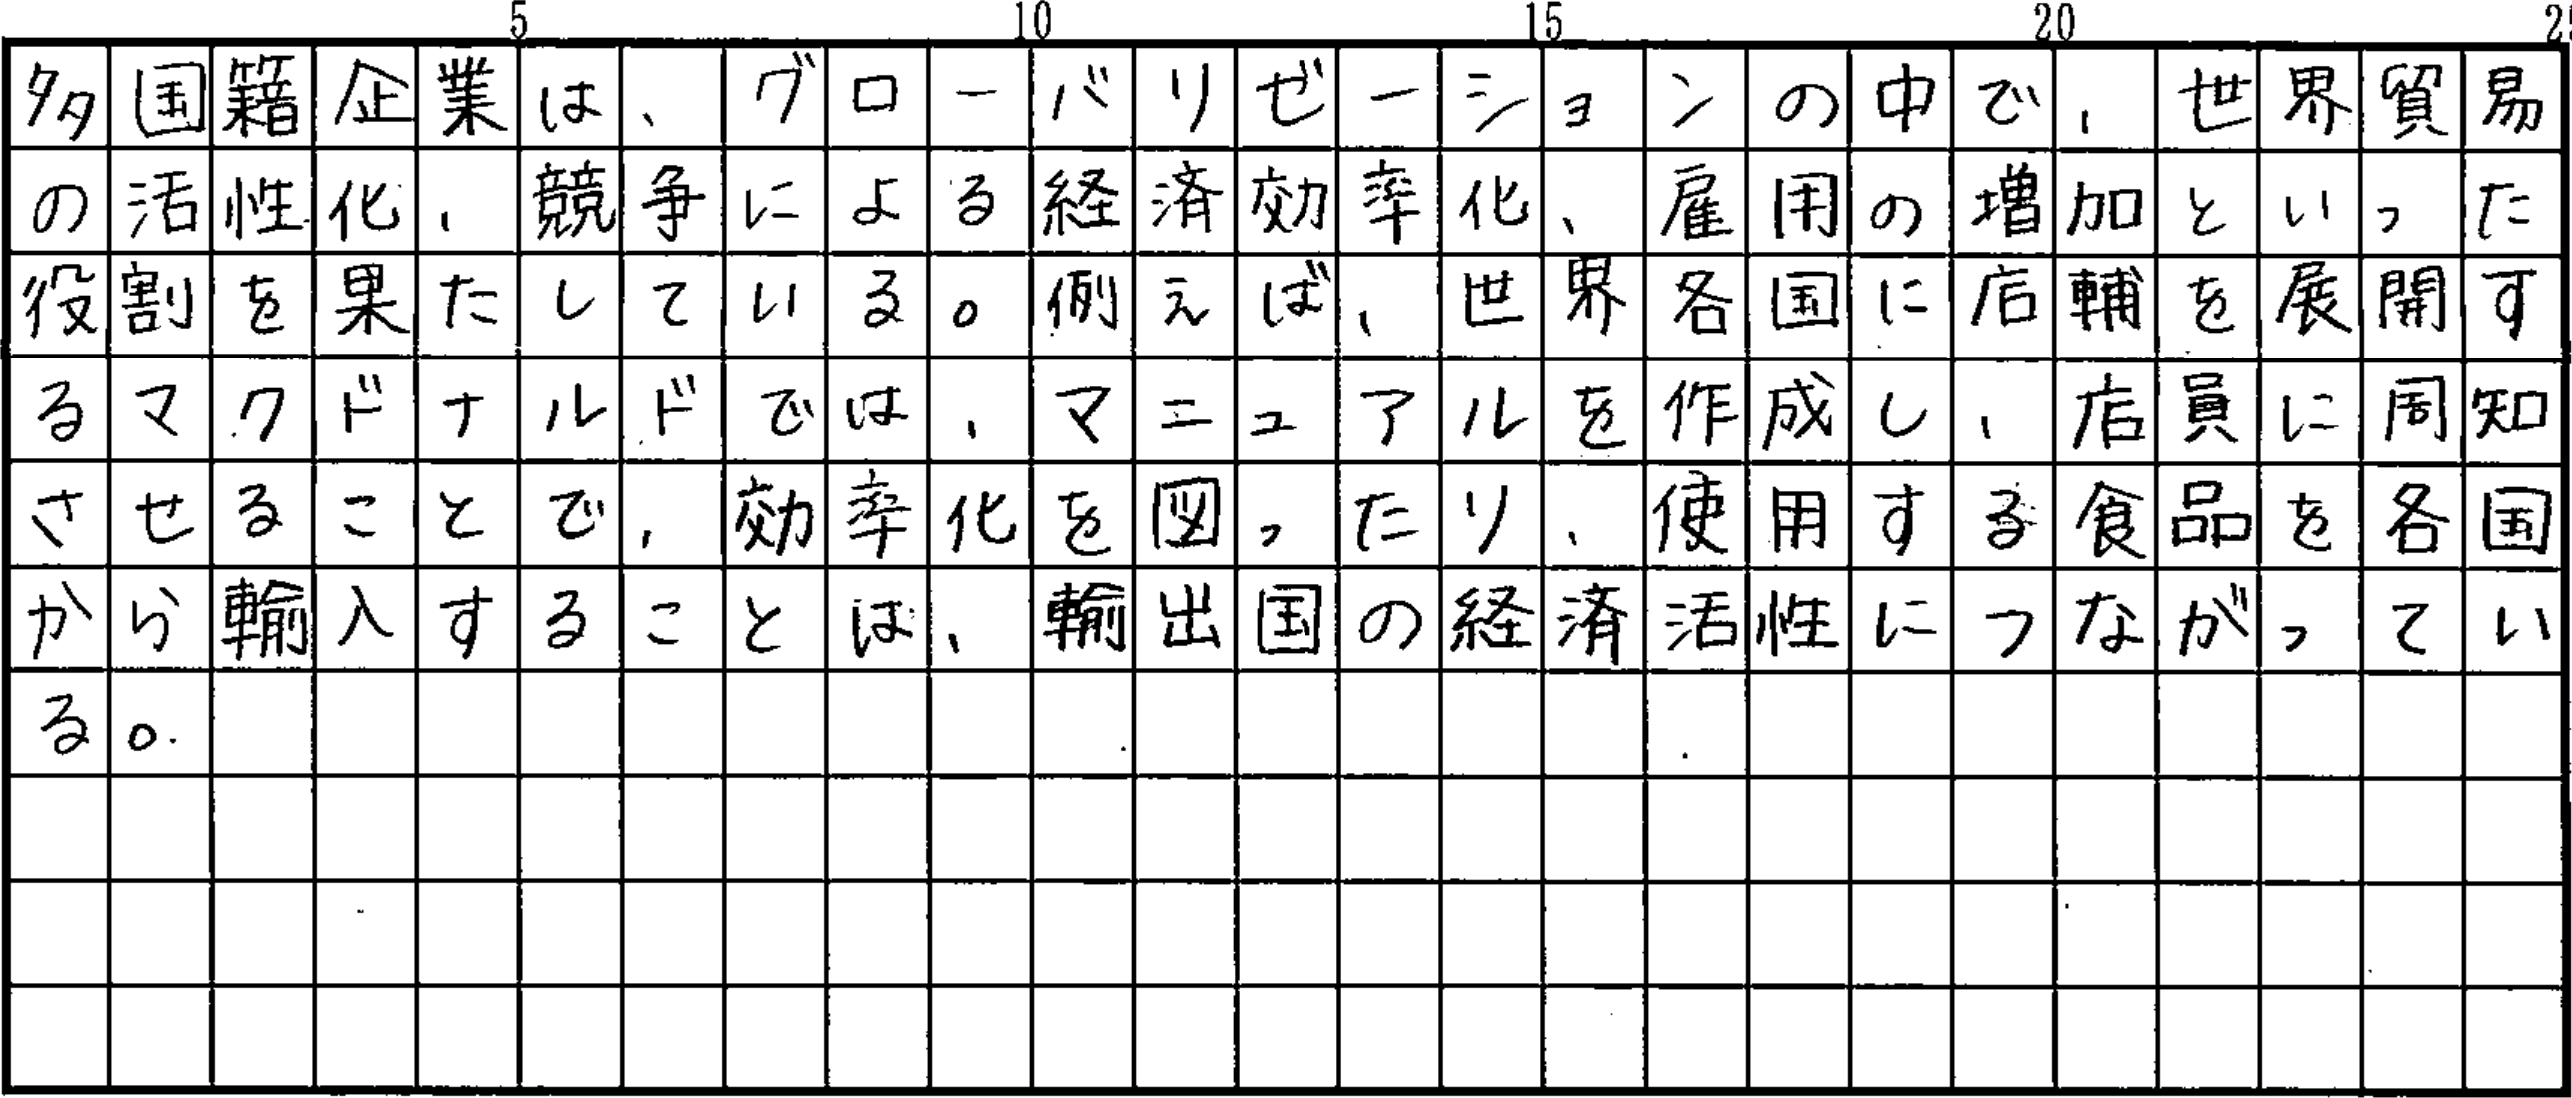多国籍企業は、グローバリゼーションの中で、世界貿易の活性化、競争による経済効率化、雇用の増加といった役割を果たしている。例えば、世界各国に店舗を展開するマクドナルドでは、マニュアルを作成し、店員に周知させることで、効率化を図ったり、使用する食品を各国から輸入することは、輸出国の経済活性につながっている。
